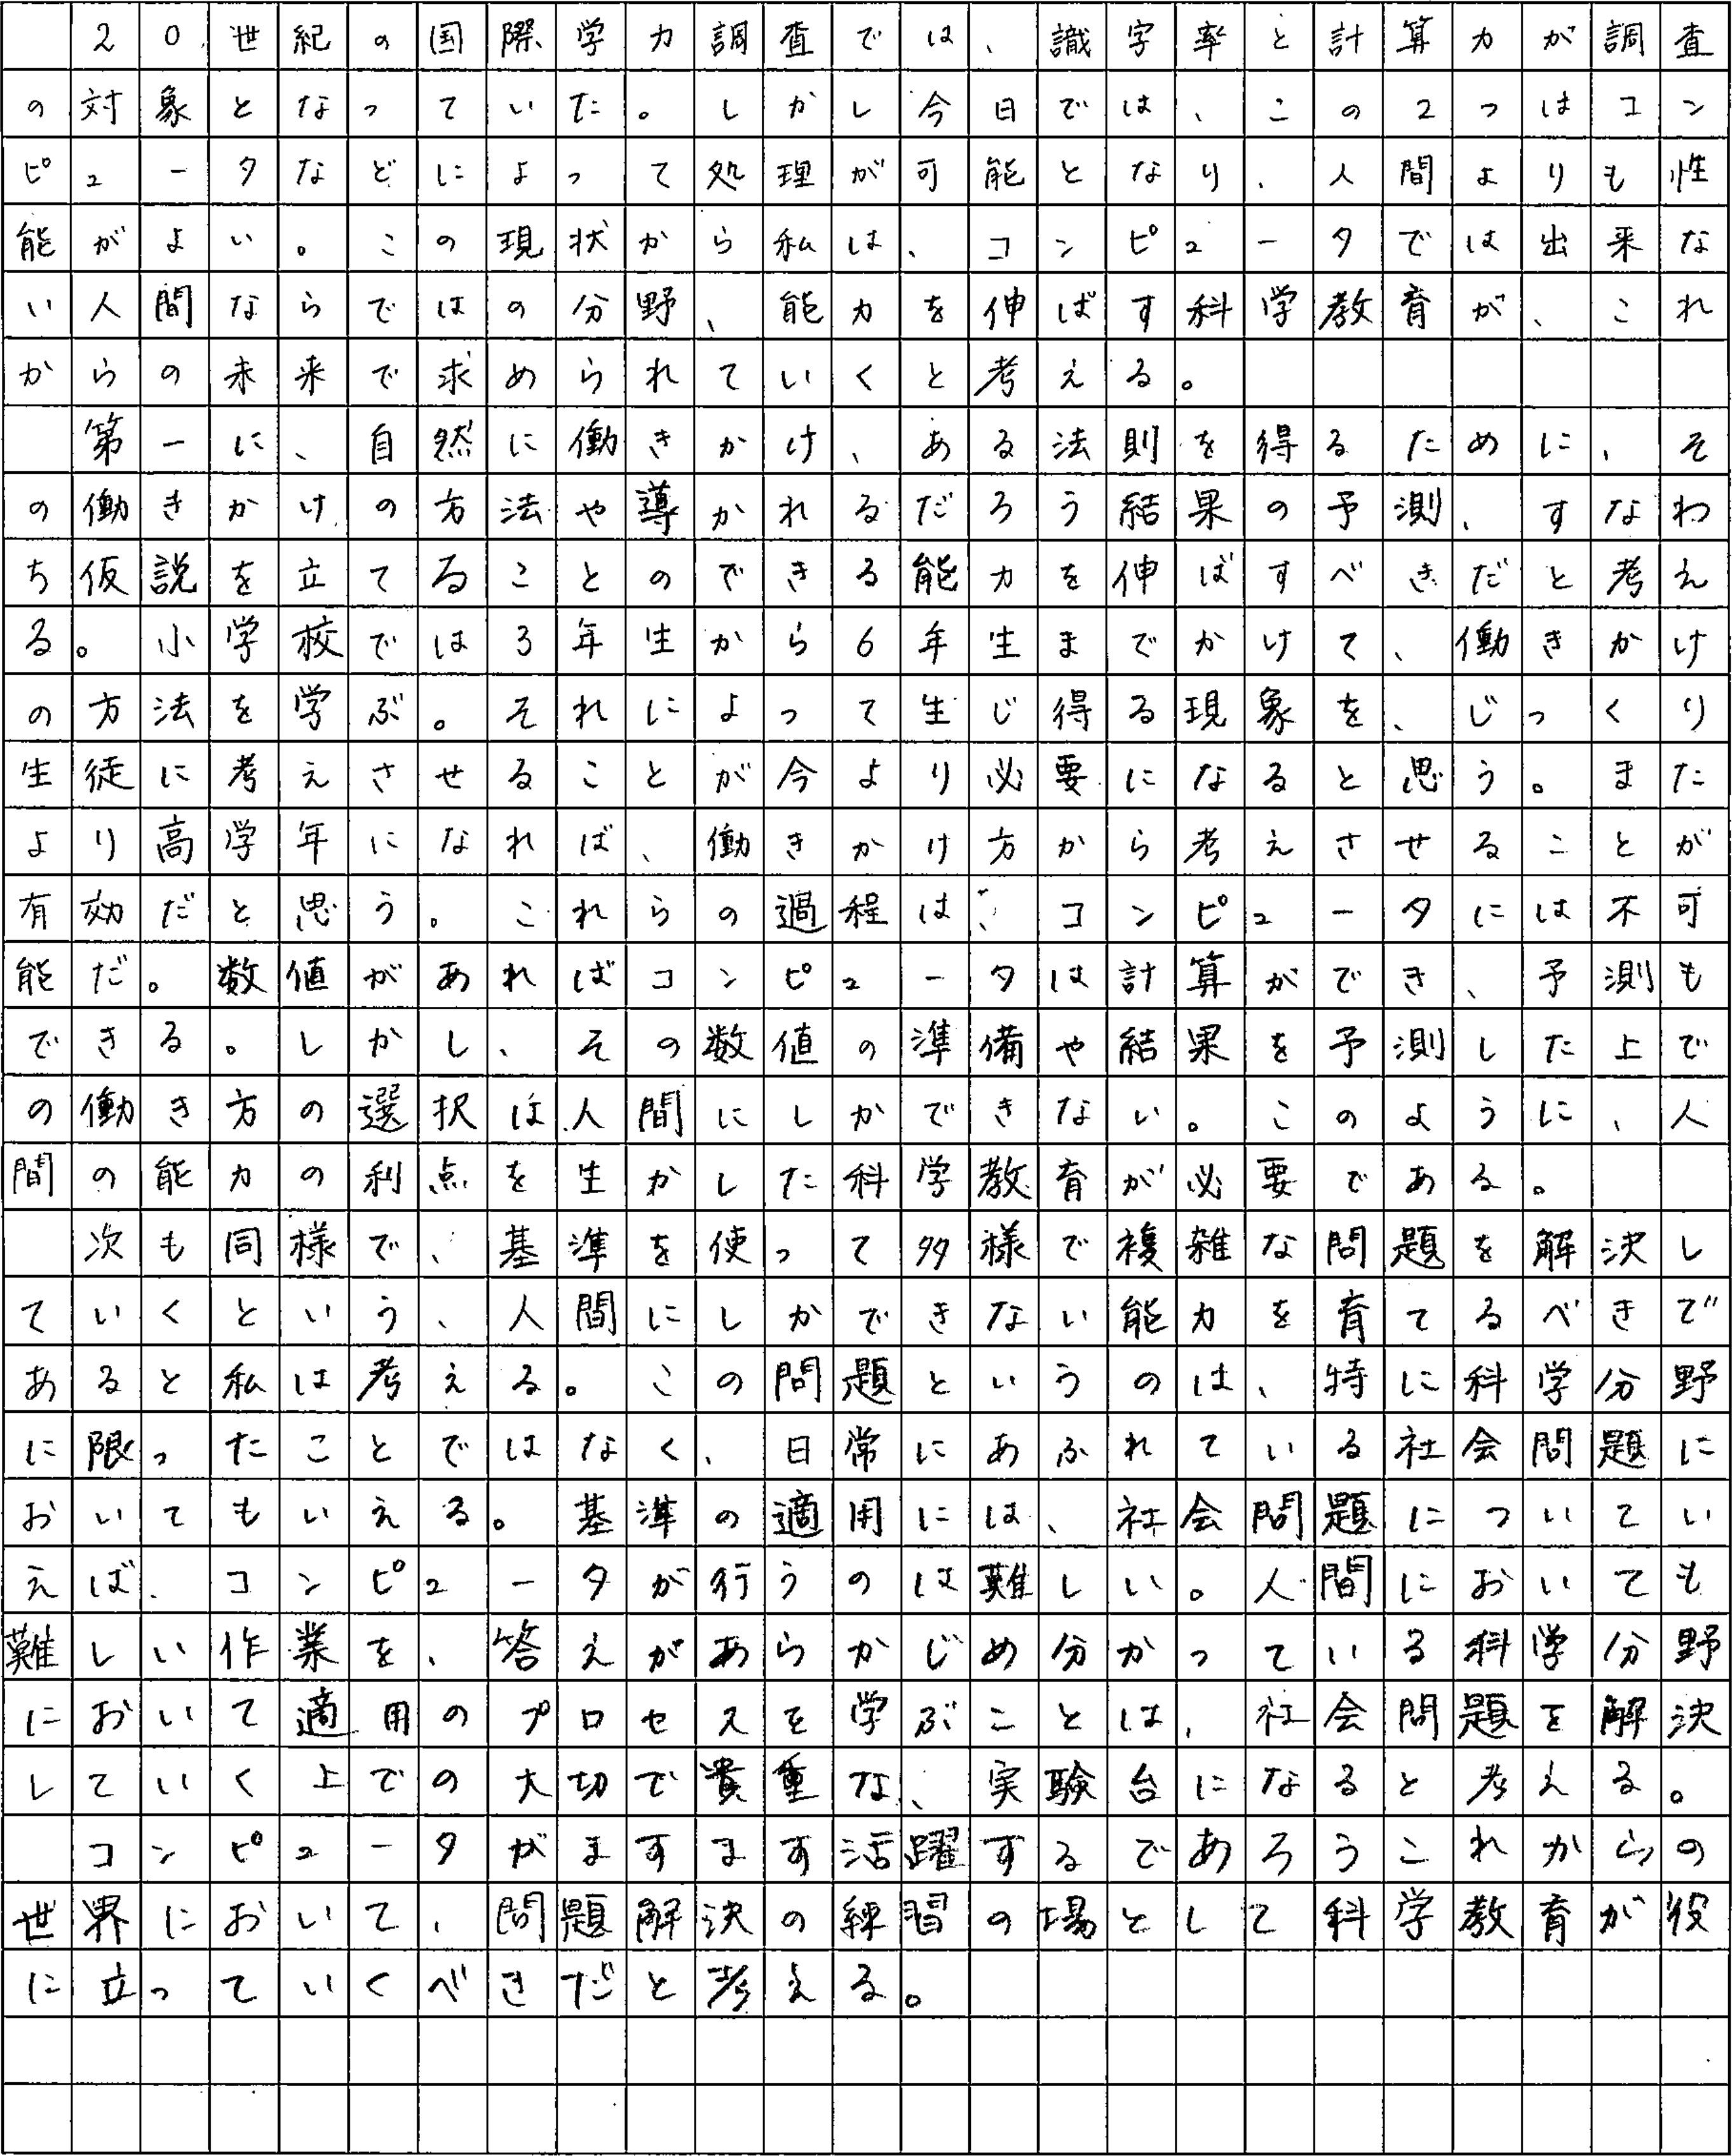　２０世紀の国際学力調査では、識字率と計算力が調査の対象となっていた。しかし今日では、この２つはコンピュータなどによって処理が可能となり、人間よりも性能が良い。この現状から私は、コンピュータでは出来ない人間ならではの分野、能力を伸ばす科学教育が、これからの未来で求められていくと考える。
　第一に、自然に働きかけ、ある法則を得るために、その働きかけの方法や導かれるだろう結果の予測、すなわち仮説を立てることのできる能力を伸ばすべきだと考える。小学校では３年生から６年生までかけて、働きかけの方法を学ぶ。それによって生じ得る現象を、じっくり生徒に考えさせることが今より必要になると思う。またより高学年になれば、働きかけ方から考えさせることが有効だと思う。これらの過程は、コンピュータには不可能だ。数値があればコンピュータは計算ができ、予測もできる。しかし、その数値の準備や結果を予測したうえでの働き方の選択は人間にしかできない。このように、人間の能力の利点を生かした科学教育が必要である。
　次も同様で、基準を使って多様で複雑な問題を解決していくという、人間にしかできない能力を育てるべきであると私は考える。この問題というのは、特に科学分野に限ったことではなく、日常にあふれている社会問題においてもいえる。基準の適用には、社会問題について言えば、コンピュータが行うのは難しい。人間においても難しい作業を、答えがあらかじめ分かっている科学分野において適用のプロセスを学ぶことは、社会問題を解決していくうえでの大切で貴重な、実験台になると考える。
　コンピュータがますます活躍するであろうこれからの世界において、問題解決の練習の場として科学教育が役に立っていくべきだと考える。
